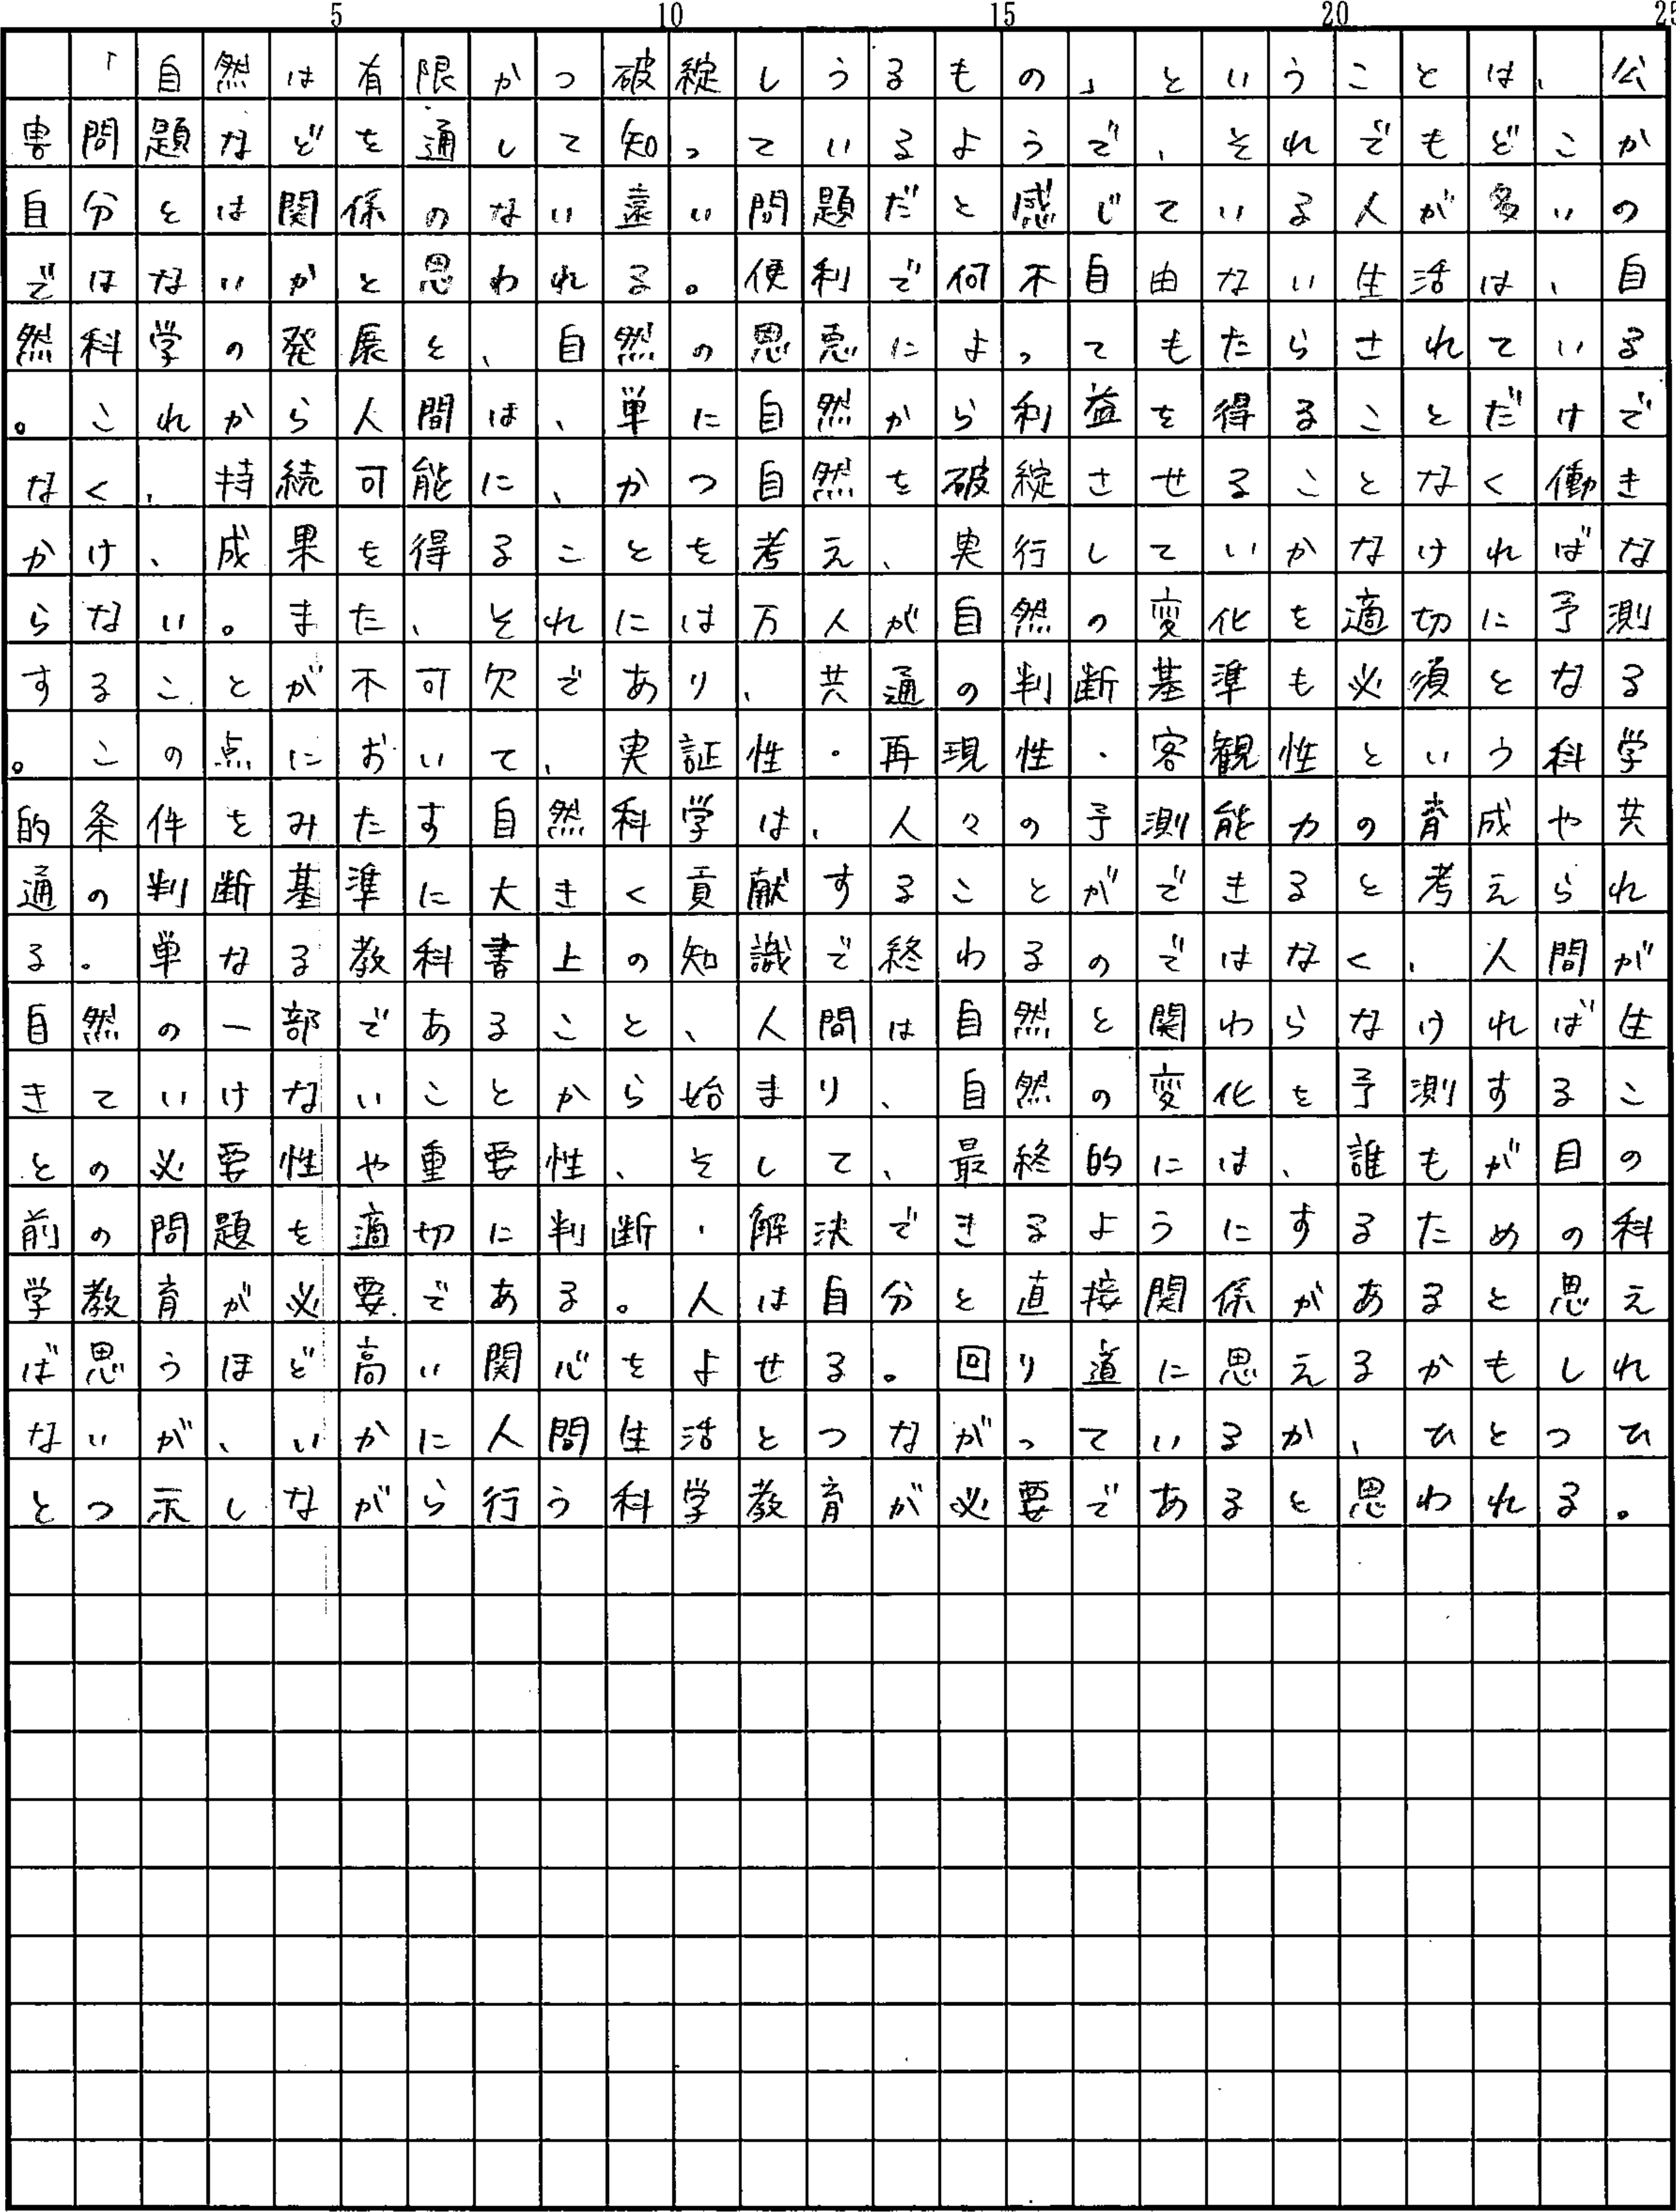　「自然は有限かつ破綻しうるもの」ということは、公害問題などを通して知っているようで、それでもどこか自分とは関係のない遠い問題だと感じている人が多いのではないかと思われる。便利で何不自由ない生活は、自然科学の発▁と、自然の恩恵によってもたらされている。これから人間は、単に自然から利益を得ることだけでなく、持続可能に、かつ自然を破綻させることなく働きかけ、成果を得ることを考え、実行していかなければならない。また、それには万人が自然の変化を適切に予測することが不可欠であり、共通の判断基準も必須となる。この点において、実証性・再現性・客観性という科学的条件をみたす自然科学は、人々の予測能力の育成や共通の判断基準に大きく貢献することができると考えられる。単なる教科書上の知識で終わるのではなく、人間が自然の一部であること、人間は自然と関わらなければ生きていけないことから始まり、自然の変化を予測することの必要性や重要性、そして、最終的には、誰もが目の前の問題を適切に判断・解決できるようにするための科学教育が必要である。人は自分と直接関係があると思えば思うほど高い関心をよせる。回り道に思えるかもしれないが、いかに人間生活とつながっているか、ひとつひとつ示しながら行う科学教育が必要であると思われる。
